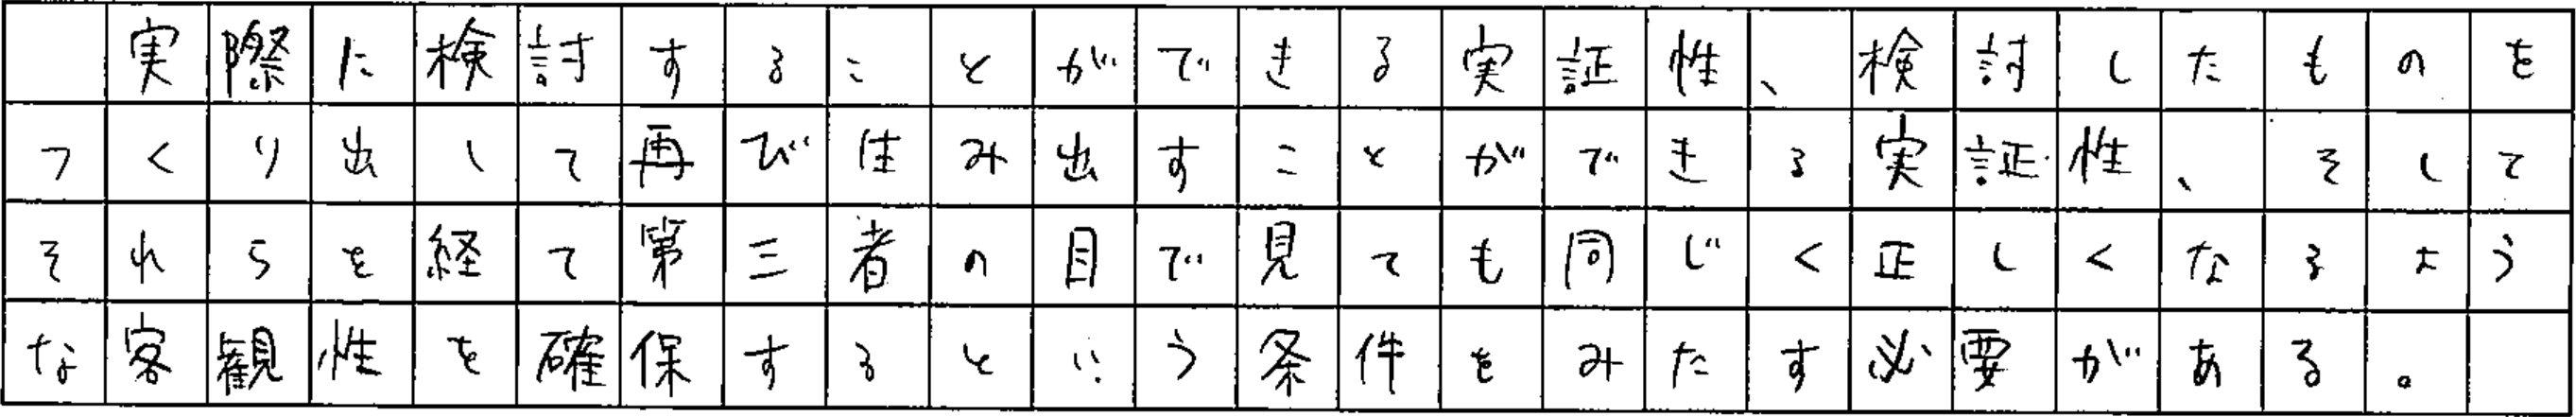　実際に検討することのできる実証性、検討したものをつくり出して再び生み出すことのできる実証性、そしてそれらを経て第三者の目で見ても同じく正しくなるような客観性を確保するという条件を満たす必要がある。
